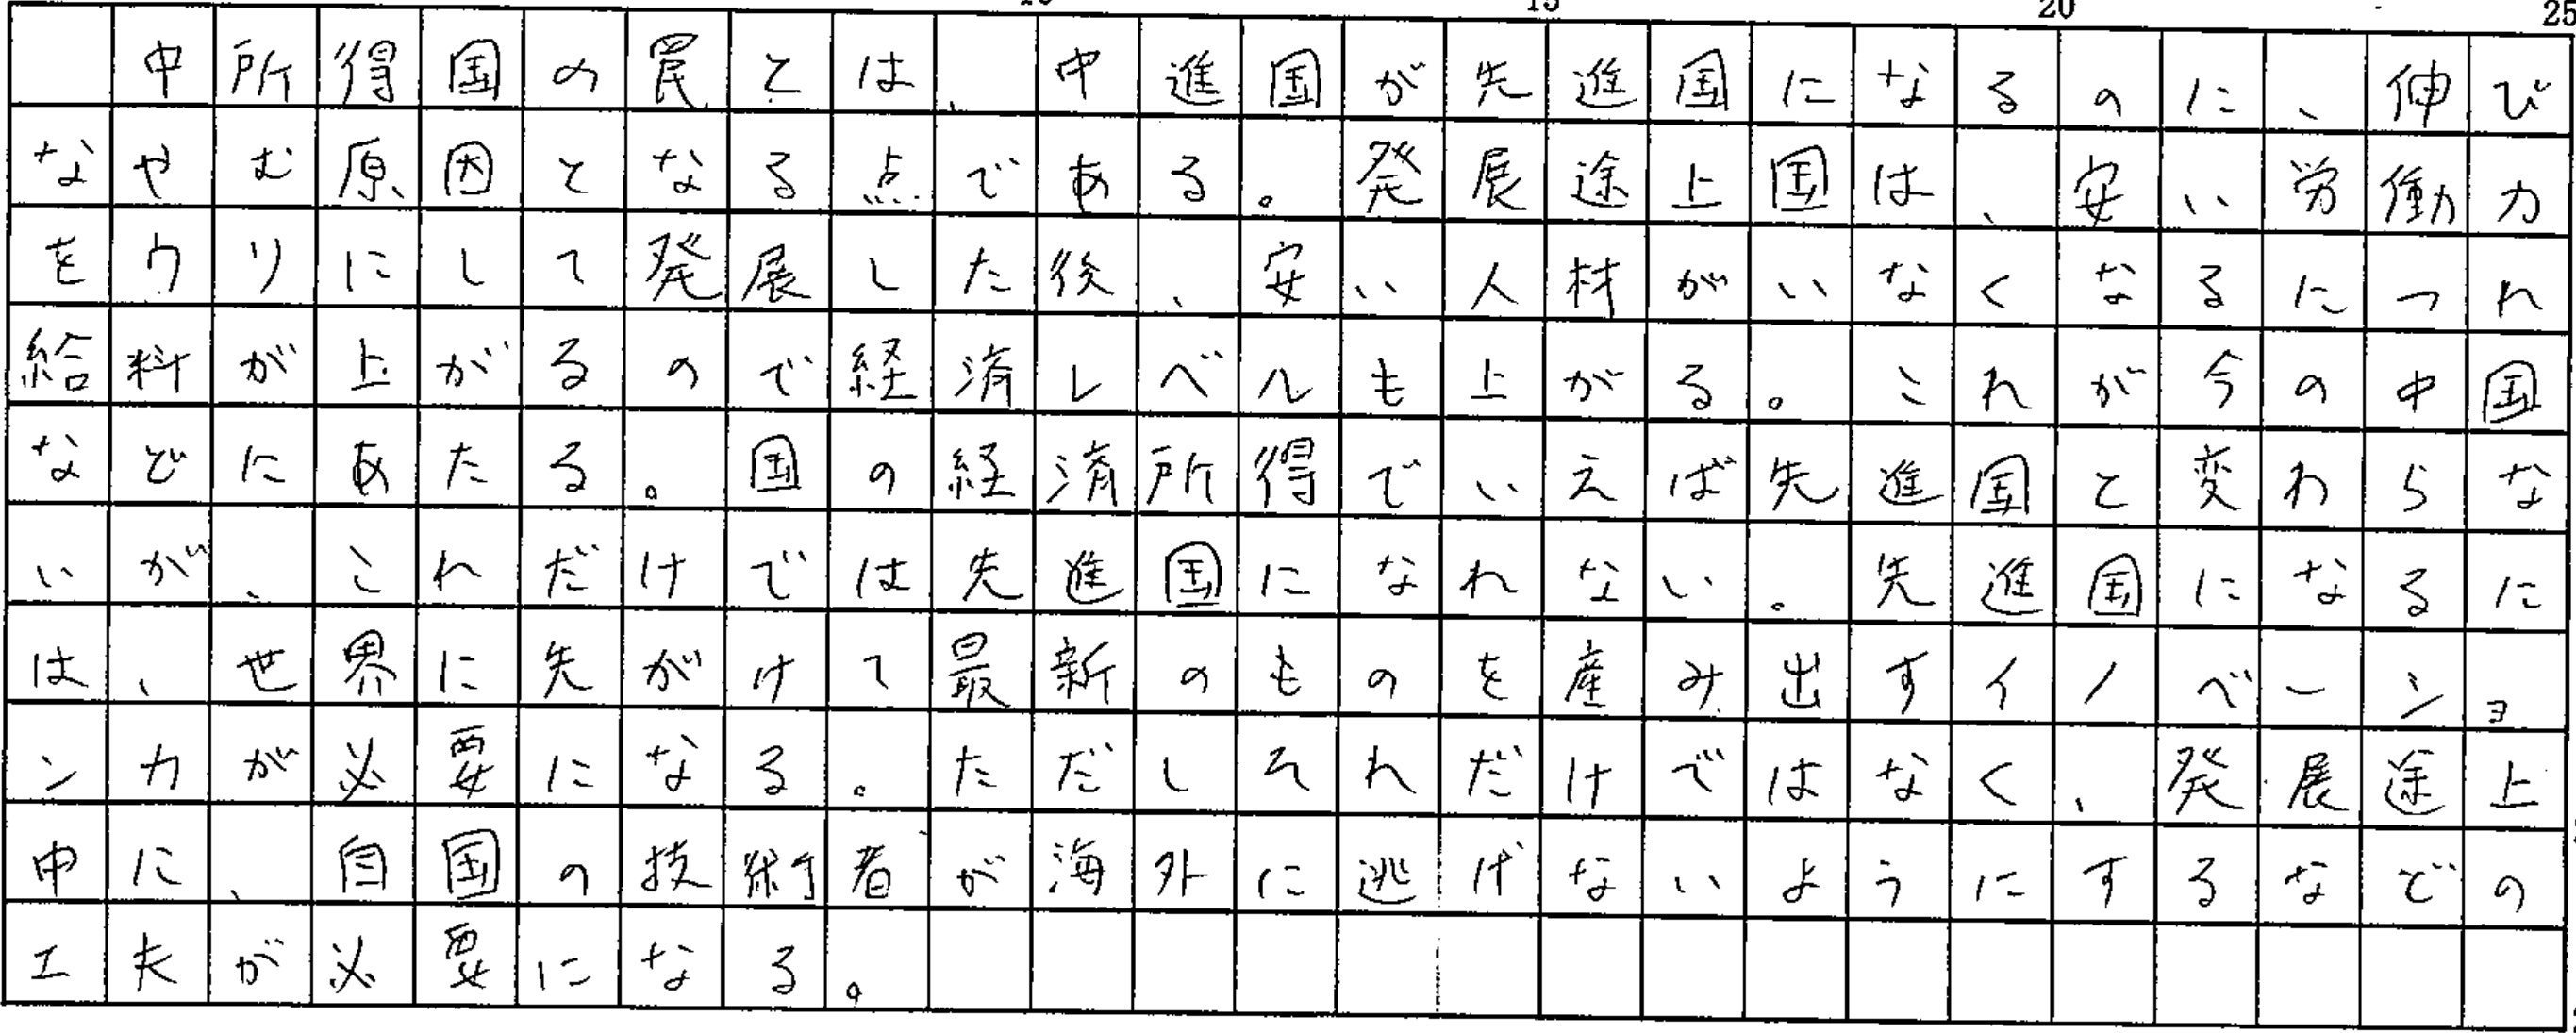　中所得国の罠とは、中進国が先進国になるのに、伸びなやむ原因となる点である。発展途上国は、安い労働力をウリにして発展した後、安い人材がいなくなるにつれ給料が上がるので経済レベルも上がる。これが今の中国などにあたる。国の経済所得でいえば先進国と変わらないが、これだけでは先進国になれない。先進国になるには、世界に先がけて最新のものを産み出すイノベーション力が必要になる。ただしそれだけではなく、発展途上中に、自国の技術者が海外に逃げないようにするなどの工夫が必要になる。
